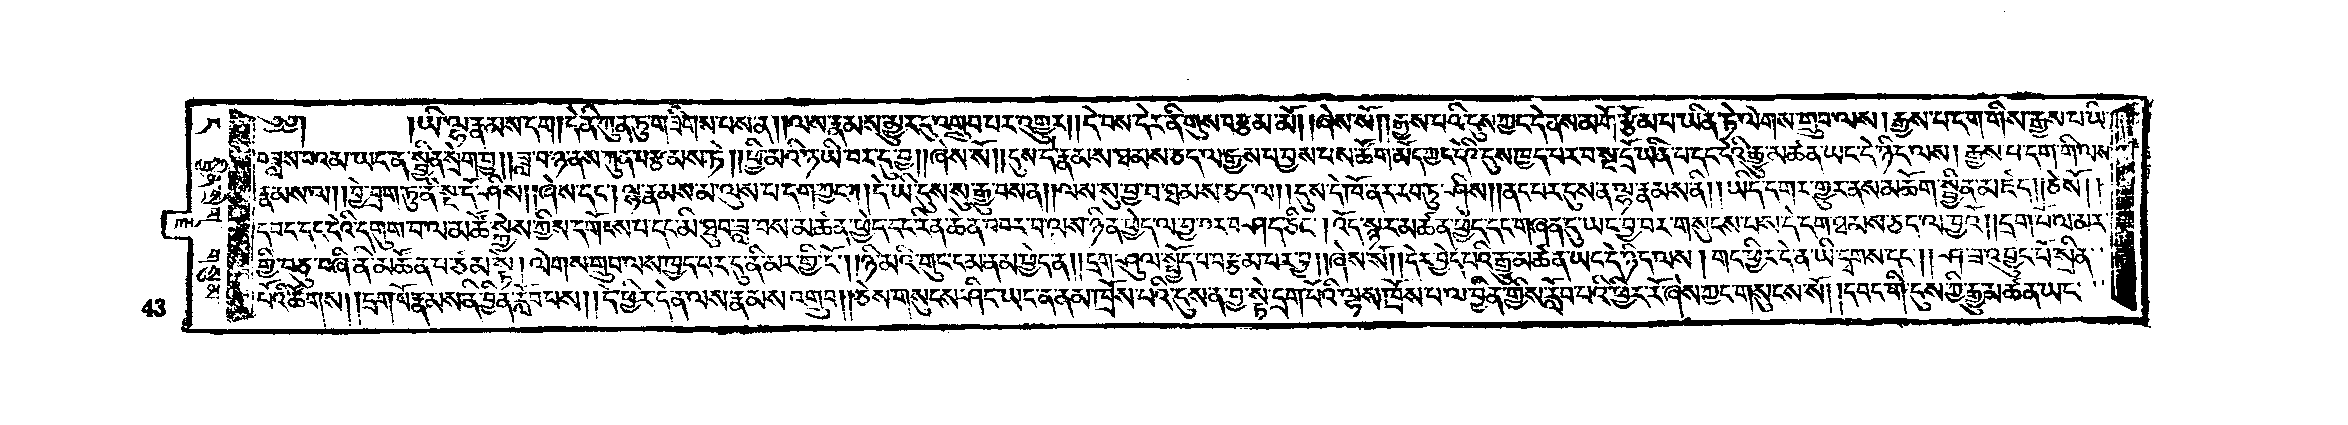༄༅། །ཡི་ལྷ་རྣམས་དག །དེ་ནི་ཀུན་ཏུ་གཟིགས་པས་ན། །ལས་རྣམས་མྱུར་དུ་འགྲུབ་པར་འགྱུར། །དེ་བས་དེར་ནི་གུས་བརྩམ་མོ། །ཞེས་སོ། །རྒྱས་པའི་དུས་ཀྱང་དེ་ནས་མགོ་རྩོམ་པ་ཡིན་ཏེ་ལེགས་གྲུབ་ལས། རྒྱས་པ་དག་གིས་རྒྱས་པ་ཡི་
བཟླས་པའམ་ཡང་ན་སྦྱིན་སྲེག་བྱ། །ཟླ་བ་ཉ་ནས་ཀུན་བརྩམས་ཏེ། །ཕྱི་མའི་ཉ་ཡི་བར་དུ་བྱ། །ཞེས་སོ། །དུས་དེ་རྣམས་ཐམས་ཅད་ལ་རྒྱས་པ་བྱས་པས་ཚོག་མོད་ཀྱང་དེའི་དུས་ཁྱད་པར་བ་སྔ་དྲོ་ཡིན་པ་དང་དེའི་རྒྱུ་མཚན་ཡང་དེ་ཉིད་ལས། རྒྱས་པ་དག་གི་ལས་
རྣམས་ལ། །བྱེ་བྲག་ཏུ་ནི་སྔ་དོ་ཤིས། །ཞེས་དང་། ལྷ་རྣམས་མ་ལུས་པ་དག་ཀྱང་། །དེ་ཡི་དུས་སུ་རྒྱུ་བས་ན། །ལས་སུ་བྱ་བ་ཐམས་ཅད་ལ། །དུས་དེ་ཁོ་ནར་རབ་ཏུ་ཤིས། །ནང་པར་དུས་ན་ལྷ་རྣམས་ནི། །ཡིད་དགར་གྱུར་ནས་མཆོག་སྦྱིན་མཛད། །ཅེས་སོ། །
དབང་དང་དེའི་དགུག་པ་ལ་མཚོ་སྐྱེས་ཀྱིས་དགོངས་པ་དང་མི་ཐུབ་ཟླ་བས་མཚན་ཕྱེད་དང་རིན་ཆེན་འབར་བ་ལས་ཉིན་ཕྱེད་ལ་བྱ་བར་བཤད་ཅིང་། འོད་སྙར་མཚན་ཕྱེད་དང་གཞན་དུ་ཡང་བྱ་བར་གསུངས་པས་དེ་དག་ཐམས་ཅད་ལ་བྱའོ། །དྲག་པོ་ལ་མར་
གྱི་བཅུ་བཞི་ནི་མཚོན་པ་ཙམ་སྟེ། ལེགས་གྲུབ་ལས་ཁྱད་པར་དུ་ནི་མར་གྱི་ངོ། །ཉི་མའི་གུང་ངམ་ནམ་ཕྱེད་ན། །དྲག་ཤུལ་སྤྱོད་པ་བརྩམ་པར་བྱ། །ཞེས་སོ། །དེར་བྱེད་པའི་རྒྱུ་མཚན་ཡང་དེ་ཉིད་ལས། གང་ཕྱིར་དེ་ན་ཡི་དྭགས་དང་། །ཤ་ཟ་འབྱུང་པོ་སྲིན་
པོའི་ཚོགས། །དྲག་པོ་རྣམས་ནི་བྱིན་རློབ་པས། །དེ་ཕྱིར་དེ་ན་ལས་རྣམས་འགྲུབ། །ཅེས་གསུངས་ཤིང་ཡང་ན་ནམ་ཁྲོས་པའི་དུས་ན་བྱ་སྟེ་དྲག་པོའི་ལྷས་ཁྲོས་པ་ལ་བྱིན་གྱིས་རློབ་པའི་ཕྱིར་རོ་ཞེས་ཀྱང་གསུངས་སོ། །དབང་གི་དུས་ཀྱི་རྒྱུ་མཚན་ཡང་